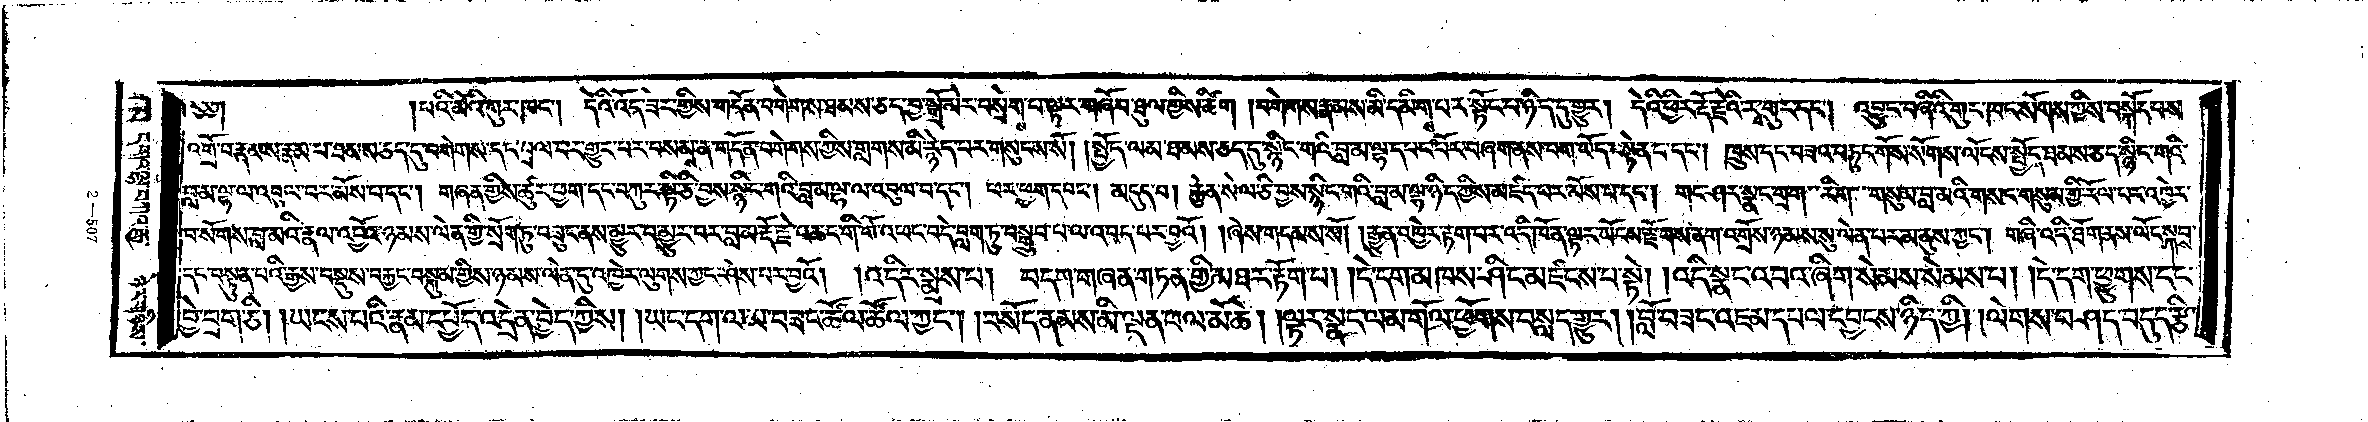༄༅། །པའི་མེའི་གུར་ཁང་། དོའི་འོད་ཟེར་གྱིས་གདོན་བགེགས་ཐམས་ཅད་བྱ་སྒྲོ་མེར་བསྲེགས་པ་ལྟར་གཞོབ་ཐུལ་གྱིས་ཚིག །བགེགས་རྣམས་མི་དམིགས་པར་སྟོང་པ་ཉིད་དུ་གྱུར། དེའི་ཕྱིར་རྡོ་རྗེའི་རྭ་གུར་དང་། འབྱུང་བཞིའི་གུར་ཁང་སོགས་ཀྱིས་བསྐོད་བས་
འགྲོ་བ་རྣམས་རྣམ་པ་ཐམས་ཅད་དུ་བགེགས་དང་བྲལ་བར་གྱུར་པར་བསམས་ན་གདོན་བགེགས་ཀྱིས་གླགས་མི་རྙེད་པར་གསུངས་སོ། །སྤྱོད་ལམ་ཐམས་ཅད་དུ་སྙིང་གའི་བླ་མ་ལྷ་དབང་པོར་བཞག་ནས་པག་ཡོད་བསྟེན་པ་དང་། ཁྲུས་དང་བཟའ་བཏུང་གོས་སོགས་ལོངས་སྤྱོད་ཐམས་ཅད་སྙིང་གའི་
བླ་མ་ལྷ་ལ་འབུལ་བར་མོས་པ་དང་། གཞན་གྱིས་ཚུར་ཕྱག་དང་བཀུར་སྟི་ཅི་བྱས་སྙིང་གའི་བླ་མ་ལྷ་ལ་འབུལ་བ་དང་། ཕར་ཕྱག་དབང་། མདུད་པ། རྐྱེན་སེལ་ཅི་བྱས་སྙིང་གའི་བླ་མ་ལྷ་ཉིད་ཀྱིས་མཛད་པར་མོས་པ་དང་། གང་ཤར་སྣང་གྲག་རིག་གསུམ་བླ་མའི་གསང་གསུམ་གྱི་རོལ་པར་འཁྱེར་
པ་སོགས་བླ་མའི་རྣལ་འབྱོར་ཉམས་ལེན་གྱི་སྲོག་ཏུ་བཟུང་ནས་མྱུར་བ་མྱུར་བར་བླ་མ་རྡོ་རྗེ་འཆང་གི་གོ་འཕང་བདེ་བླག་ཏུ་བསྒྲུབ་པ་ལ་འབད་པར་བྱའོ། །ཞེས་གདམས་སོ། །རྒྱུན་འཕྱེར་རྟག་བར་འདི་ཁོ་ན་ལྟར་ཡོངས་རྫོགས་ནག་འགྲོས་ཉམས་སུ་ལེན་པར་མ་ནུས་ཀྱང་། བཞི་འདི་ཐོག་ནས་ལོང་སྐབས་
དང་བསྟུན་པའི་རྒྱས་བསྡུས་བརྐྱང་བསྐུམ་གྱིས་ཉམས་ལེན་དུ་འཁྱེར་ལུགས་ཀྱང་ཤེས་པར་བྱའོ། །འདིར་སྨྲས་པ། བདག་གཞན་གཏན་གྱི་མཐར་རྟོག་པ། །དེ་དག་མཁས་ཤིང་མཛངས་པ་སྟེ། །འདི་སྣང་འཕའ་ཞིག་སེམས་སེམས་པ། །དེ་དག་ཕྱུགས་དང་
བྱེ་བྲག་ཅི། །ཡངས་པའི་རྣམ་དཔྱོད་འདྲེན་བྱེད་ཀྱིས། །ཡང་དག་ལམ་བཟང་ཚོལ་ཚོལ་ཀྱང་། །བསོད་ནམས་མི་ལྡན་ཕལ་མོ་ཆེ། །ལྟར་སྣང་ལམ་གོལ་ཕྱོགས་བསླད་གྱུར། །བློ་བཟང་འཇམ་དཔལ་དབྱངས་ཉིད་ཀྱི། །ལེགས་བཤད་བདུད་རྩི་